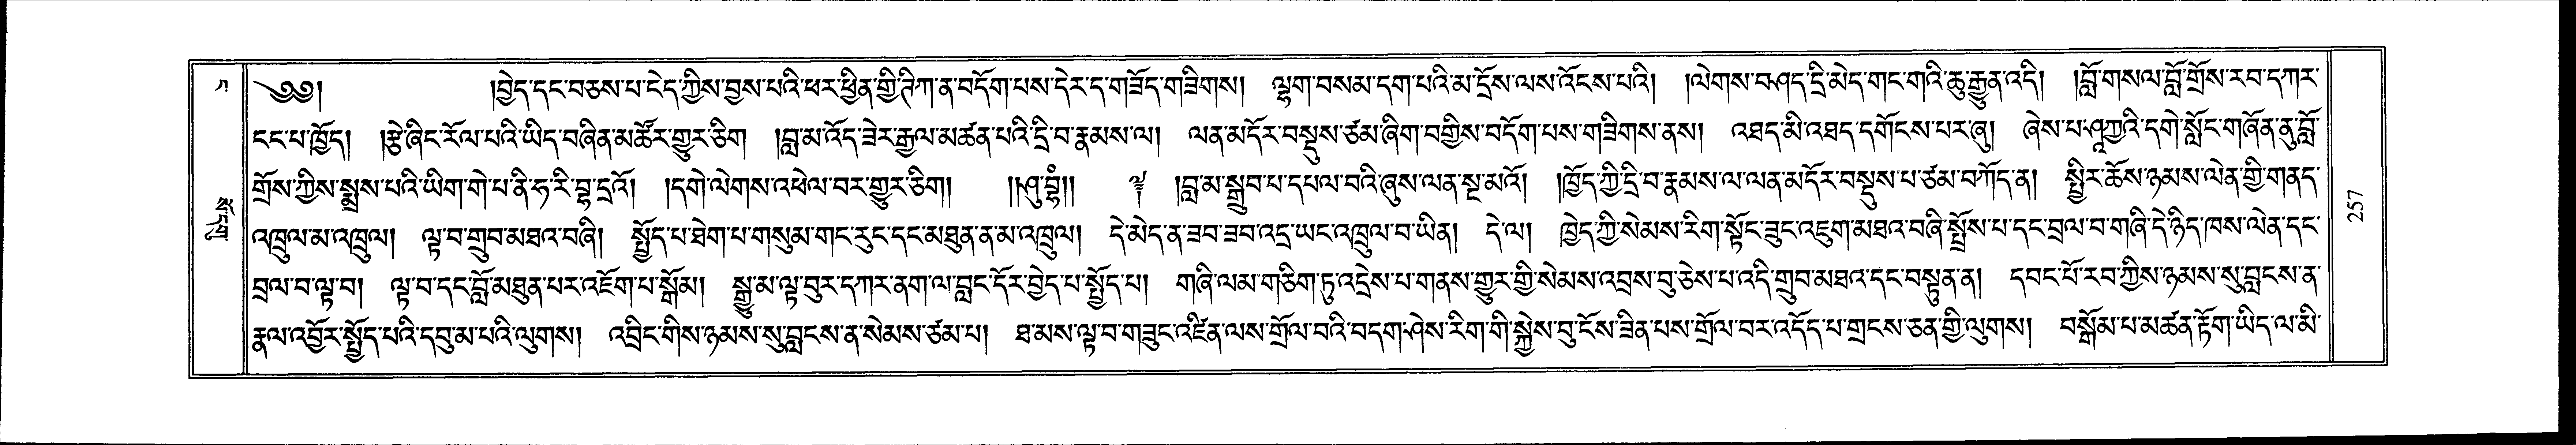༄༅། །བྱེད་དང་བཅས་པ་ངེད་ཀྱིས་བྱས་པའི་ཕར་ཕྱིན་གྱི་ཊིཀ་ན་བདོག་པས་དེར་ད་གཟོད་གཟིགས། ལྷག་བསམ་དག་པའི་མ་དྲོས་ལས་འོངས་པའི། །ལེགས་བཤད་དྲི་མེད་གང་གའི་ཆུ་རྒྱུན་འདི། །བློ་གསལ་བློ་གྲོས་རབ་དཀར་
ངང་པ་ཁྱོད། །རྩེ་ཞིང་རོལ་པའི་ཡིད་བཞིན་མཚོར་གྱུར་ཅིག །བླ་མ་འོད་ཟེར་རྒྱལ་མཚན་པའི་དྲི་བ་རྣམས་ལ། ལན་མདོར་བསྡུས་ཙམ་ཞིག་བགྱིས་བདོག་པས་གཟིགས་ནས། འཐད་མི་འཐད་དགོངས་པར་ཞུ། ཞེས་པ་ཤཱཀྱའི་དགེ་སློང་གཞོན་ནུ་བློ་
གྲོས་ཀྱིས་སྨྲས་པའི་ཡིག་གེ་པ་ནི་ཧ་རི་བྷ་དྲའོ། །དགེ་ལེགས་འཕེལ་བར་གྱུར་ཅིག། །།ཤུ་བྷཾ།། ༈ །བླ་མ་སྒྲུབ་པ་དཔལ་བའི་ཞུས་ལན་སྔ་མའོ། །ཁྱོད་ཀྱི་དྲི་བ་རྣམས་ལ་ལན་མདོར་བསྡུས་པ་ཙམ་བཀོད་ན། སྤྱིར་ཆོས་ཉམས་ལེན་གྱི་གནད་
འཁྲུལ་མ་འཁྲུལ། ལྟ་བ་གྲུབ་མཐའ་བཞི། སྤྱོད་པ་ཐེག་པ་གསུམ་གང་རུང་དང་མཐུན་ན་མ་འཁྲུལ། དེ་མེད་ན་ཟབ་ཟབ་འདྲ་ཡང་འཁྲུལ་བ་ཡིན། དེ་ལ། ཁྱེད་ཀྱི་སེམས་རིག་སྟོང་ཟུང་འཇུག་མཐའ་བཞི་སྤྲོས་པ་དང་བྲལ་བ་གཞི་དེ་ཉིད་ཁས་ལེན་དང་
བྲལ་བ་ལྟ་བ། ལྟ་བ་དང་བློ་མཐུན་པར་འཇོག་པ་སྒོམ། སྒྱུ་མ་ལྟ་བུར་དཀར་ནག་ལ་བླང་དོར་བྱེད་པ་སྤྱོད་པ། གཞི་ལམ་གཅིག་ཏུ་འདྲེས་པ་གནས་གྱུར་གྱི་སེམས་འབྲས་བུ་ཅེས་པ་འདི་གྲུབ་མཐའ་དང་བསྟུན་ན། དབང་པོ་རབ་ཀྱིས་ཉམས་སུ་བླངས་ན་
རྣལ་འབྱོར་སྤྱོད་པའི་དབུ་མ་པའི་ལུགས། འབྲིང་གིས་ཉམས་སུ་བླངས་ན་སེམས་ཙམ་པ། ཐ་མས་ལྟ་བ་གཟུང་འཛིན་ལས་གྲོལ་བའི་བདག་ཤེས་རིག་གི་སྐྱེས་བུ་ངོས་ཟིན་པས་གྲོལ་བར་འདོད་པ་གྲངས་ཅན་གྱི་ལུགས། བསྒོམ་པ་མཚན་རྟོག་ཡིད་ལ་མི་